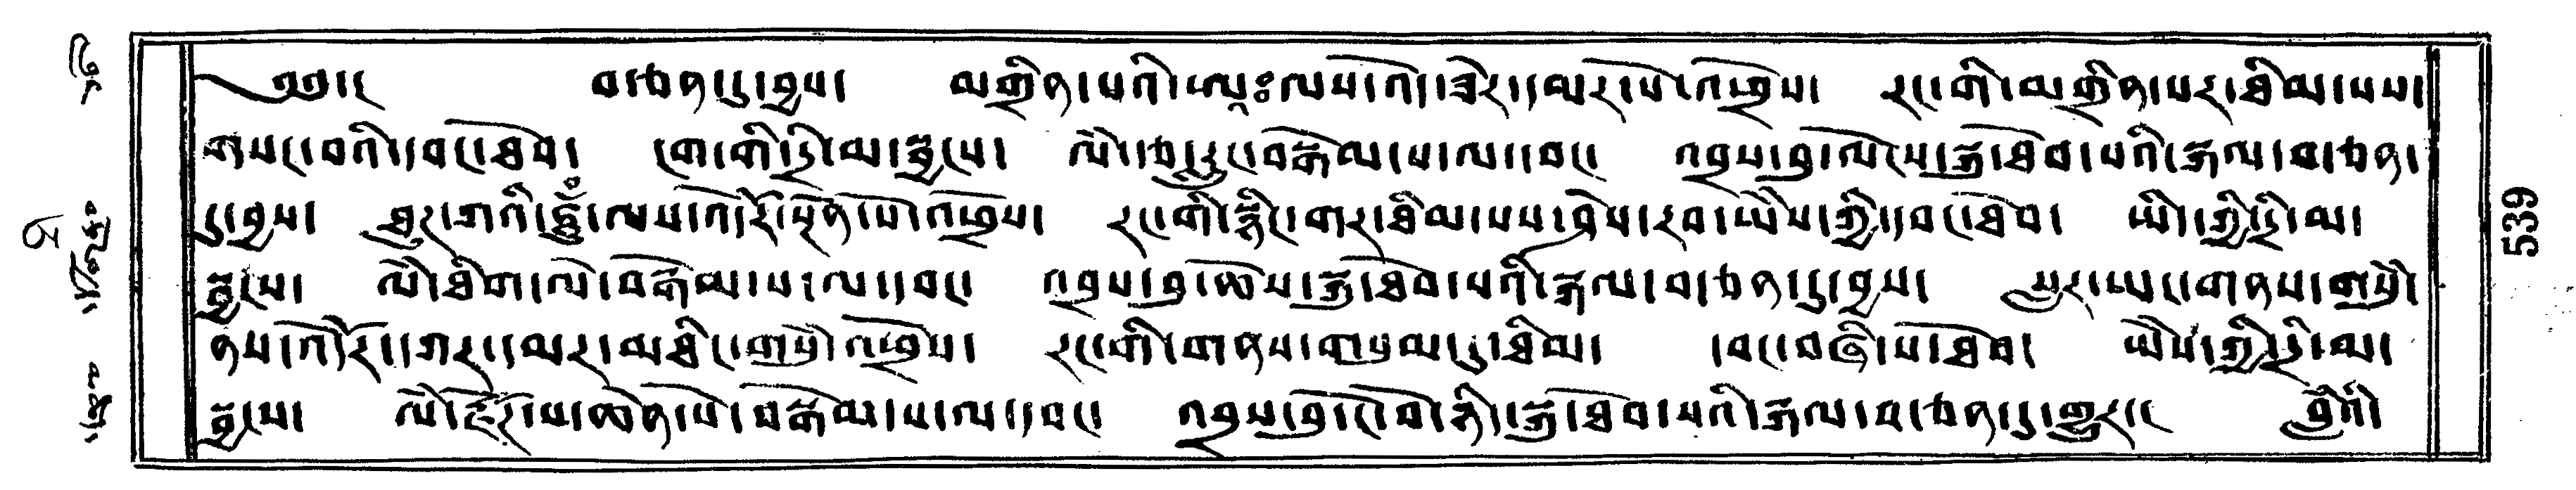བ་ཅན་དུ་བྱས། མགྲིན་པའི་ཨཱཿལས་འོད་ཟེར་དམར་པོ་འཕྲོས། རང་གི་མགྲིན་པར་ཐིམ་པས་གསང་བའི་དབང་ཐོབ་པས་
གསང་བའི་དབང་ཐོབ། ངག་གི་དྲི་མ་སྦྱངས། ལམ་རྩ་རླུང་སྒོམ་པ་ལ་དབང་། འབྲས་བུ་ལོངས་སྐུ་ཐོབ་པའི་སྐལ་བ་ཅན་
དུ་བྱས། ཐུགས་ཀའི་ཧཱུྃ་ལས་འོད་ཟེར་སྔོན་པོ་འཕྲོས། རང་གི་སྙིང་གར་ཐིམ་པས་ཤེས་རབ་ཡེ་ཤེས་ཀྱི་དབང་ཐོབ། ཡིད་ཀྱི་དྲི་མ་
སྦྱངས། ལམ་ཐིག་ལེ་སྒོམ་པ་ལ་དབང་། འབྲས་བུ་ཆོས་སྐུ་ཐོབ་པའི་སྐལ་བ་ཅན་དུ་བྱས། སླར་ཡང་གནས་གསུམ་
ནས་འོད་ཟེར་དཀར་དམར་མཐིང་གསུམ་འཕྲོས། རང་གི་གནས་གསུམ་དུ་ཐིམ། དབང་བཞི་པ་ཐོབ། ཡེ་ཤེས་ཀྱི་དྲི་མ་
སྦྱངས། ལམ་རྫོགས་པ་ཆེན་པོ་སྒོམ་པ་ལ་དབང་། འབྲས་བུ་ངོ་བོ་ཉིད་སྐུ་ཐོབ་པའི་སྐལ་བ་ཅན་དུ་གྱུར། བླ་མའི་